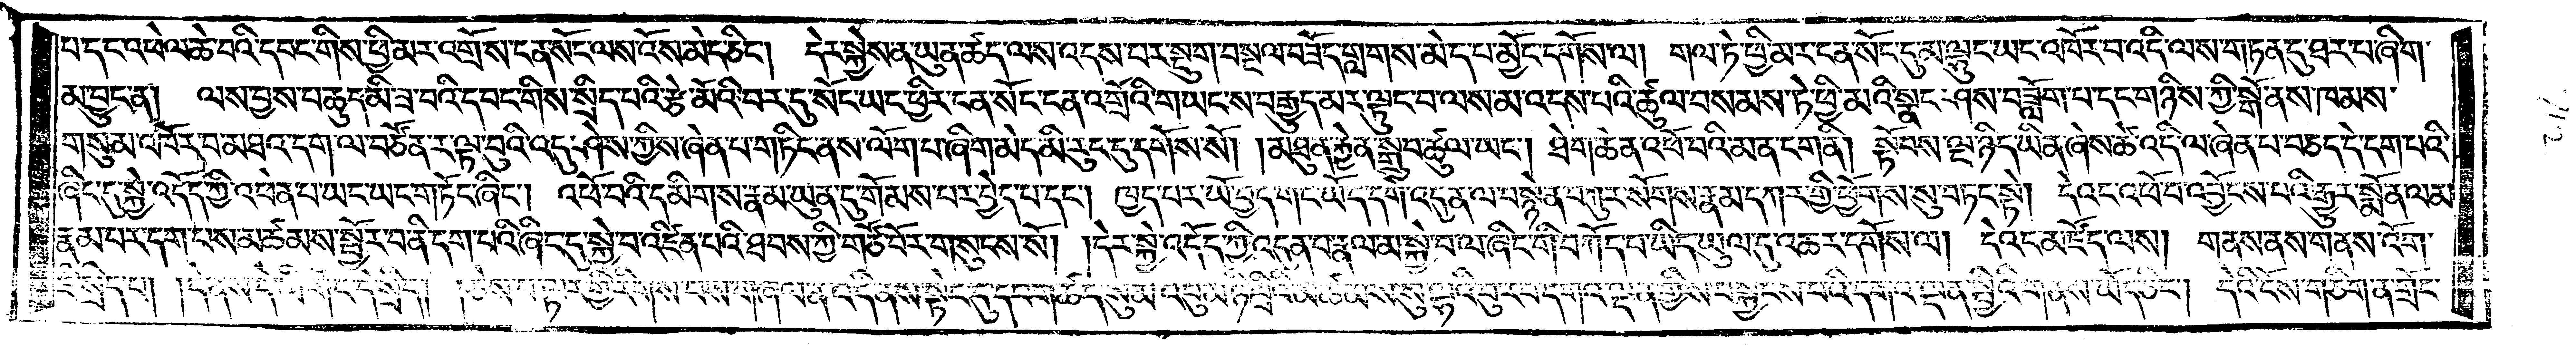པ་དང་འཕེལ་ཆེ་བའི་དབང་གིས་ཕྱི་མར་འགྲོས་ངན་སོང་ལས་འོས་མེད་ཅིང་། དེར་སྐྱེས་ན་ཡུན་ཚད་ལས་འདས་པར་སྡུག་བསྔལ་བཟོད་གླགས་མེད་པ་མྱོང་དགོས་ལ། གལ་ཏེ་ཕྱི་མར་ངན་སོང་དུམ་ལྷུང་ཡང་འཁོར་བ་འདི་ལས་གཏན་དུ་ཐར་པ་ཞིག་
མ་བྱུང་ན། ལས་བྱས་པ་ཆུད་མི་ཟ་བའི་དབང་གིས་སྲིད་པའི་རྩེ་མོའི་བར་དུ་སོང་ཡང་ཕྱིར་ངན་སོང་ངན་འགྲོའི་གཡང་ས་བརྒྱུད་མར་ལྟུང་བ་ལས་མ་འདས་པའི་ཚུལ་བསམས་ཏེ་ཕྱི་མའི་སྣང་ཤས་བཟློག་པ་དང་གཉིས་ཀྱི་སྒོ་ནས་ཁམས་
གསུམ་འཁོར་བ་མཐའ་དག་ལ་བཙོན་ར་ལྟ་བུའི་འདུ་ཤེས་ཀྱིས་ཞེན་པ་གཏིང་ནས་ལོག་བ་ཞིག་མེད་མི་རུང་དུ་དགོས་སོ། །མཐུན་རྐྱེན་སྒྲུབ་ཚུལ་ཡང་། ཐེག་ཆེན་འཕོ་བའི་མན་ངག་ནི། སྟོབས་ལྔ་ཉིད་ཡིན་ཞེས་ཚེ་འདི་ལ་ཞེན་པ་བཅད་དེ་དག་པའི་
ཞིང་དུ་སྐྱེ་འདོད་ཀྱི་འཕེན་པ་ཡང་ཡང་གཏོང་ཞིང་། འཕོ་བའི་དམིགས་རྣམ་ཡུན་དུ་གོམས་པར་བྱེད་པ་དང་། ཁྱད་པར་ཡོ་བྱད་གང་ཡོད་དགེ་འདུན་ལ་བསྙེན་བསྐུར་སོགས་རྣམ་དཀར་གྱི་ཕྱོགས་སུ་བཏང་སྟེ། དེའང་འཕོ་བ་འབྱོངས་པའི་རྒྱུར་སྨོན་ལམ་
རྣམ་པར་དག་པས་མཚམས་སྦྱོར་བ་ནི་དག་པའི་ཞིང་དུ་སྐྱེ་བ་འཛིན་པའི་ཐབས་ཀྱི་གཙོ་བོར་གསུངས་སོ། །དེར་སྐྱེ་འདོད་ཀྱི་འདུན་པ་རྣལ་མ་སྐྱེ་བ་ལ་ཞིང་གི་བཀོད་པ་ཡིད་ཡུལ་དུ་འཆར་དགོས་ལ། དེའང་མཛོད་ལས། གནས་ནས་གནས་འོག་
ཇི་སྲིད་པ། དེ་ནས་དེ་ཡི་གོང་དེ་སྲིད། །ཅེས་པ་ལྟར་གྱི་རིགས་པས་གཞལ་ན་འདི་ན་སྟེང་དུ་དཔག་ཚད་སུམ་འབུམ་ཉི་ཁྲིའི་མཚམས་སུ་ལྷའི་བུ་རབ་དགའ་ལྡན་གྱིས་བསྐྱངས་པའི་དགའ་ལྡན་སྤྱིའི་གནས་ཡོད་ཅིང་། དེའི་ངོས་གཅིག་ན་གྲོང་